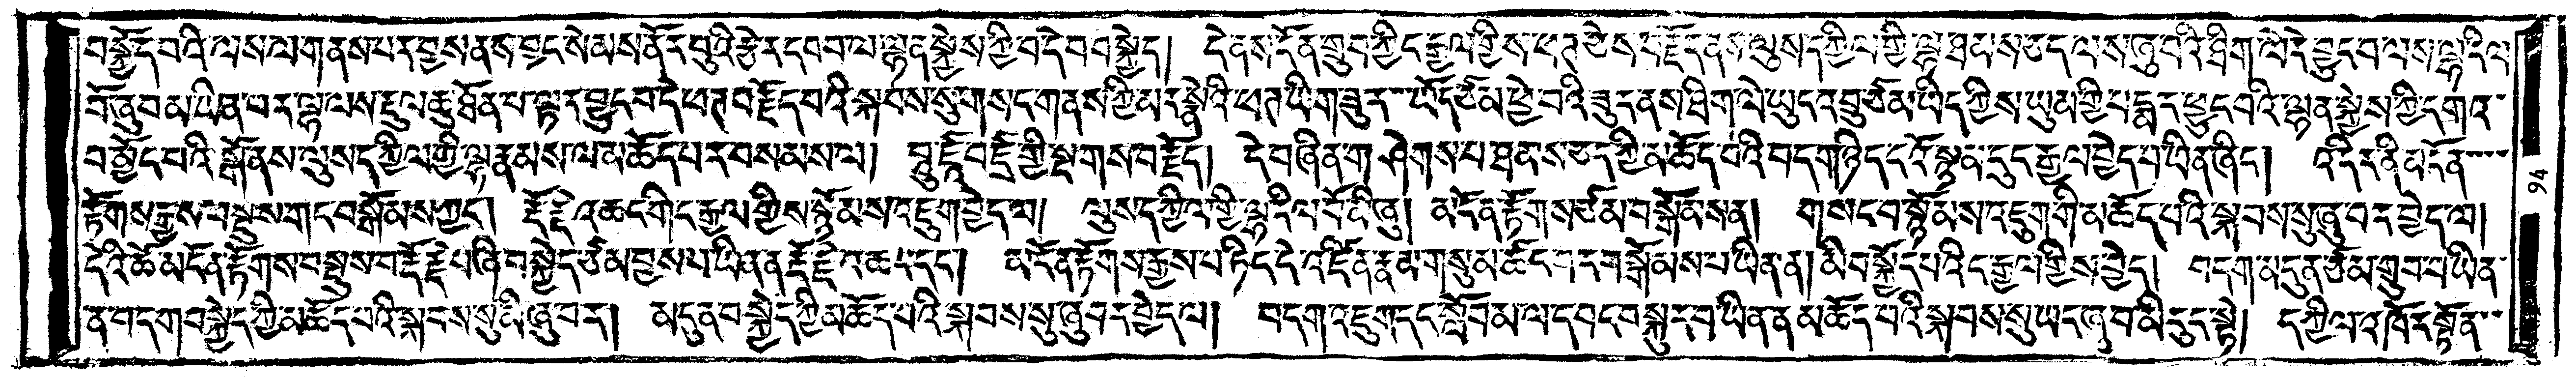བསྐྱོད་བའི་ལས་ལ་གནས་པར་བྱས་ནས་བྱང་སེམས་ནོར་བུའི་རྩེར་དབབ་ལ་ལྷན་སྐྱེས་ཀྱི་བདེ་བ་བསྐྱེད། དེ་ནས་དོན་གྲུབ་ཀྱི་ང་རྒྱལ་གྱིས་ཕགས་ཅེས་བརྗོད་ནས་ལུས་དཀྱིལ་གྱི་ལྷ་ཐམས་ཅད་ལས་ཞུ་བའི་ཐིག་ལེ་རེ་བྱུང་བ་ལས་ལྷ་རིལ་
བོ་ཞུ་བ་མ་ཡིན་བར་ལྷ་ལས་རྡུལ་ཆུ་ཐོན་པ་ལྟར་བྱུང་བ་དེ་ཕགས་བརྗོད་པའི་སྐབས་སུ་གསང་གནས་ཀྱི་མར་སྣེའི་ཕགས་ཡིག་ཟུར་ཡོད་ཙམ་ཕྱེ་བའི་ཟུར་ནས་ཐིག་ལེ་ཡུད་འབྲུ་ཙམ་ཡིད་ཀྱིས་ཡུམ་གྱི་པདམར་ཕྱུང་བའི་ལྷན་སྐྱེས་ཀྱི་དགའ་
བ་མྱོང་བའི་སྒོ་ནས་ལུས་དཀྱིལ་གྱི་ལྷ་རྣམས་ལ་མཆོད་པར་བསམས་ལ། པཱུ་ཛཱ་བཛྲ་གྱི་སྔགས་བརྗོད། དེ་བཞིན་གཤེགས་པ་ཐམས་ཅད་ཀྱི་མཆོད་པའི་བདག་ཉིད་ངའོ་སྙམ་དུ་ང་རྒྱལ་བྱེད་པ་ཡིན་ཞིང་། འདིར་ནི་མངོན་
རྟོགས་རྒྱས་བསྡུས་གང་བསྒོམས་ཀྱང་། རྡོ་རྗེ་འཆང་གི་ང་རྒྱལ་གྱིས་སྙོམས་འཇུག་བྱེད་ལ། ལུས་དཀྱིལ་གྱི་ལྷ་རིལ་པོ་མི་ཞུ། མངོན་རྟོགས་ཙམ་བསྒོམས་ན། གསང་བ་སྙོམས་འཇུག་གི་མཆོད་པའི་སྐབས་སུ་ཞུ་བར་བྱེད་ལ།
དེའི་ཚེ་མངོན་རྟོགས་བསྡུས་པ་རྡོ་རྗེ་བཞི་བསྐྱེད་ཙམ་བྱས་པ་ཡིན་ན་རྡོ་རྗེ་འཆང་དང་། མངོན་རྟོགས་རྒྱས་པ་ཏིང་ངེ་འཛིན་རྣམ་གསུམ་ཚང་གདག་སྒོམས་པ་ཡིན་ན། མི་བསྐྱོད་པའི་ང་རྒྱལ་གྱིས་བྱེད། བདག་མདུན་ཙམ་གྲུབ་པ་ཡིན་
ན་བདག་བསྐྱེད་ཀྱི་མཆོད་པའི་སྐབས་སུ་མི་ཞུ་བར། མདུན་བསྐྱེད་ཀྱི་མཆོད་པའི་སྐབས་སུ་ཞུ་བར་བྱེད་ལ། བདག་འཇུག་དང་སློབ་མ་ལ་དབང་བསྐུར་བ་ཡིན་ན་མཆོད་པའི་སྐབས་སུ་ཡང་ཞུ་བ་མི་རུང་སྟེ། དཀྱིལ་འཁོར་སྟོན་